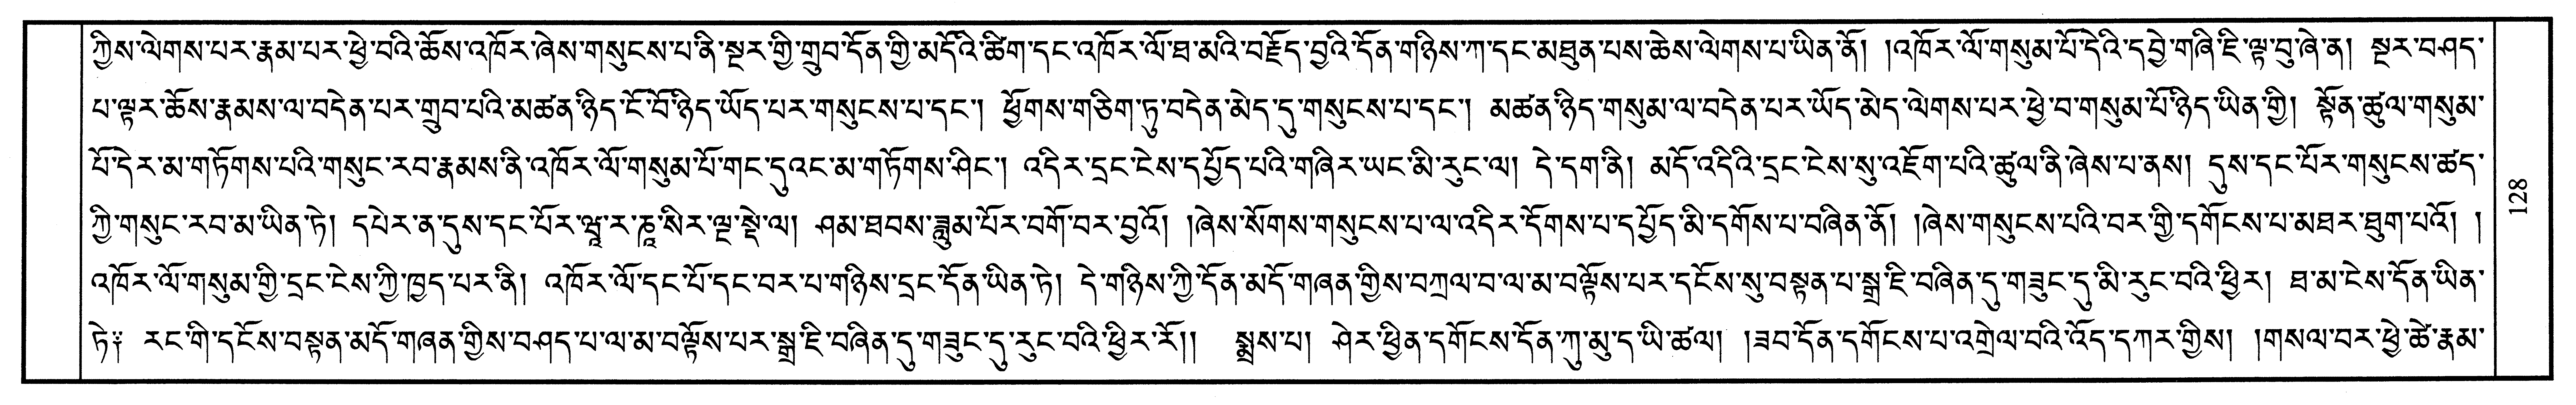ཀྱིས་ལེགས་པར་རྣམ་པར་ཕྱེ་བའི་ཆོས་འཁོར་ཞེས་གསུངས་པ་ནི་སྔར་གྱི་གྲུབ་དོན་གྱི་མདོའི་ཚིག་དང་འཁོར་ལོ་ཐ་མའི་བརྗོད་བྱའི་དོན་གཉིས་ཀ་དང་མཐུན་པས་ཆེས་ལེགས་པ་ཡིན་ནོ། །འཁོར་ལོ་གསུམ་པོ་དེའི་དབྱེ་གཞི་ཇི་ལྟ་བུ་ཞེ་ན། སྔར་བཤད་
པ་ལྟར་ཆོས་རྣམས་ལ་བདེན་པར་གྲུབ་པའི་མཚན་ཉིད་ངོ་བོ་ཉིད་ཡོད་པར་གསུངས་པ་དང་། ཕྱོགས་གཅིག་ཏུ་བདེན་མེད་དུ་གསུངས་པ་དང་། མཚན་ཉིད་གསུམ་ལ་བདེན་པར་ཡོད་མེད་ལེགས་པར་ཕྱེ་བ་གསུམ་པོ་ཉིད་ཡིན་གྱི། སྟོན་ཚུལ་གསུམ་
པོ་དེར་མ་གཏོགས་པའི་གསུང་རབ་རྣམས་ནི་འཁོར་ལོ་གསུམ་པོ་གང་དུའང་མ་གཏོགས་ཤིང་། འདིར་དྲང་ངེས་དཔྱོད་པའི་གཞིར་ཡང་མི་རུང་ལ། དེ་དག་ནི། མདོ་འདིའི་དྲང་ངེས་སུ་འཇོག་པའི་ཚུལ་ནི་ཞེས་པ་ནས། དུས་དང་པོར་གསུངས་ཚད་
ཀྱི་གསུང་རབ་མ་ཡིན་ཏེ། དཔེར་ན་དུས་དང་པོར་ཝཱ་ར་ཎཱ་སིར་ལྔ་སྡེ་ལ། ཤམ་ཐབས་ཟླུམ་པོར་བགོ་བར་བྱའོ། །ཞེས་སོགས་གསུངས་པ་ལ་འདིར་དོགས་པ་དཔྱོད་མི་དགོས་པ་བཞིན་ནོ། །ཞེས་གསུངས་པའི་བར་གྱི་དགོངས་པ་མཐར་ཐུག་པའོ། །
འཁོར་ལོ་གསུམ་གྱི་དྲང་ངེས་ཀྱི་ཁྱད་པར་ནི། འཁོར་ལོ་དང་པོ་དང་བར་པ་གཉིས་དྲང་དོན་ཡིན་ཏེ། དེ་གཉིས་ཀྱི་དོན་མདོ་གཞན་གྱིས་བཀྲལ་བ་ལ་མ་བལྟོས་པར་དངོས་སུ་བསྟན་པ་སྒྲ་ཇི་བཞིན་དུ་གཟུང་དུ་མི་རུང་བའི་ཕྱིར། ཐ་མ་ངེས་དོན་ཡིན་
ཏེ། རང་གི་དངོས་བསྟན་མདོ་གཞན་གྱིས་བཤད་པ་ལ་མ་བལྟོས་པར་སྒྲ་ཇི་བཞིན་དུ་གཟུང་དུ་རུང་བའི་ཕྱིར་རོ། སྨྲས་པ། ཤེར་ཕྱིན་དགོངས་དོན་ཀུ་མུ་ད་ཡི་ཚལ། །ཟབ་དོན་དགོངས་པ་འགྲེལ་པའི་འོད་དཀར་གྱིས། །གསལ་བར་ཕྱེ་ཚེ་རྣམ་